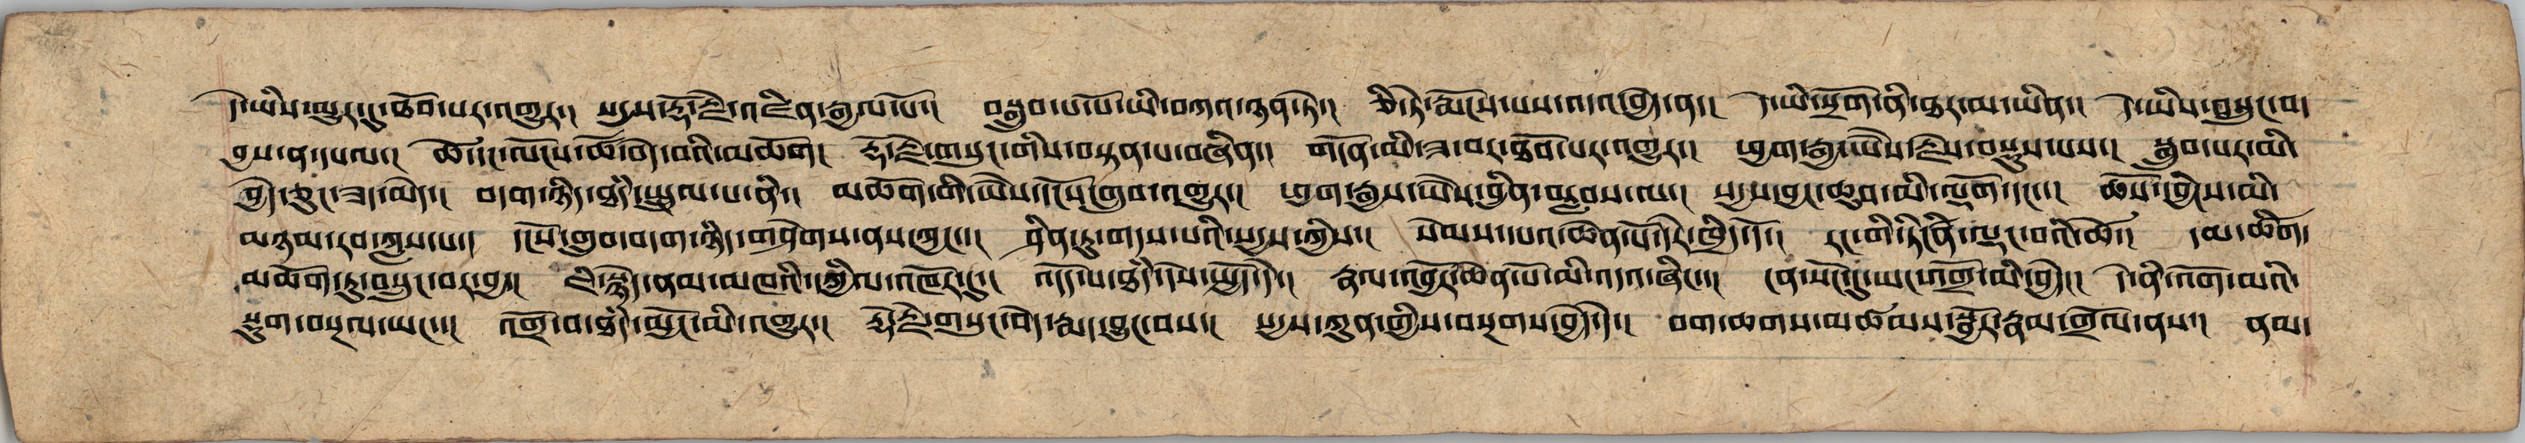དེ་ཡིས་མྱུར་དུ་ཐོབ་པར་འགྱུར་། སདྱས་རྡོ་རྗེ་འཛིན་རྒྱལ་པོ་། བསྒྲུབ་པ་པོ་ཡི་བཀའ་ཉན་ཏེ་། ཅི་ཏེ་རྨོངས་པས་འདའ་བྱེད་ན་། དེ་ཡི་སྲོག་ནི་ཐར་མ་ཡིན་། དེ་ཡིས་བསྲུང་བ་
བྱས་ན་དཔལ་། ཚེ་དང་ལོངས་ཚེ་བདེ་བའི་མཆོག། རྡོ་རྗེ་གསུང་གིས་བསྟན་པ་བཞིན་། གདོན་མི་ཟ་བར་ཐོབ་པར་འགྱུར་། ཕྱག་རྒྱ་ཡཻས་རྗེས་བསྡུས་པས་། སྒྲུབ་པར་མི་
བྱེད་ཅུང་ཟད་མེད་། བདག་ཉིད་ཐདཾ་སྤྲུལ་པ་ནི་། མཆོག་གི་ཡཻས་དངོས་གྲུབ་འགྱུར་། ཕྱག་རྒྱས་ཡཻས་བྱིན་བརླབས་ལ་། སདྱས་བྱང་ཆུབ་མི་ལྡོག་དང་་། ཆོས་དབྱིངས་མི་
མཉམ་རབ་ཀླས་པ་། དངོས་གྲུབ་བདག་ཉིད་གཤེགས་ནས་ཀྱང་་། ཤིན་ཏུ་གདས་པའི་སདྱས་ཀྱིས་། སེམས་དཔའ་ཆེན་པོ་དེར་ཁྲིད་དོ་། རང་གི་ཏིངེཛིན་ལྡང་བའི་ཚེ་། དམ་ཚིག་
མཆོག་ཏུ་བསྲུང་བར་བྱ་། ཇི་སྙེད་ནམ་མཁའི་དཀྱིལ་འཁོར་དུ་། འདོད་པ་ཐདཾ་དེས་སྤྱོད་དེ་། རྣལ་འབྱོར་ཆེན་པོ་མི་འདའ་ཞིང་་། ངན་སོང་དུ་ཡང་འགྲོ་མི་བྱེད་། དེ་ནི་འོག་མའི་
སྡུག་བསྔལ་ཡང་་། འགྲོ་བ་ཐདཾ་མྱོང་མི་འགྱུར་། རྡོ་རྗེ་གསུང་བདེ་རྨད་བྱུང་བས་། སདྱས་ཀུན་གྱིས་བསྔགས་བྱེད་དེ་། བག་ཆགས་མཚམས་སྦྱོར་རྣམ་གྲོལ་ནས་། ནམ་